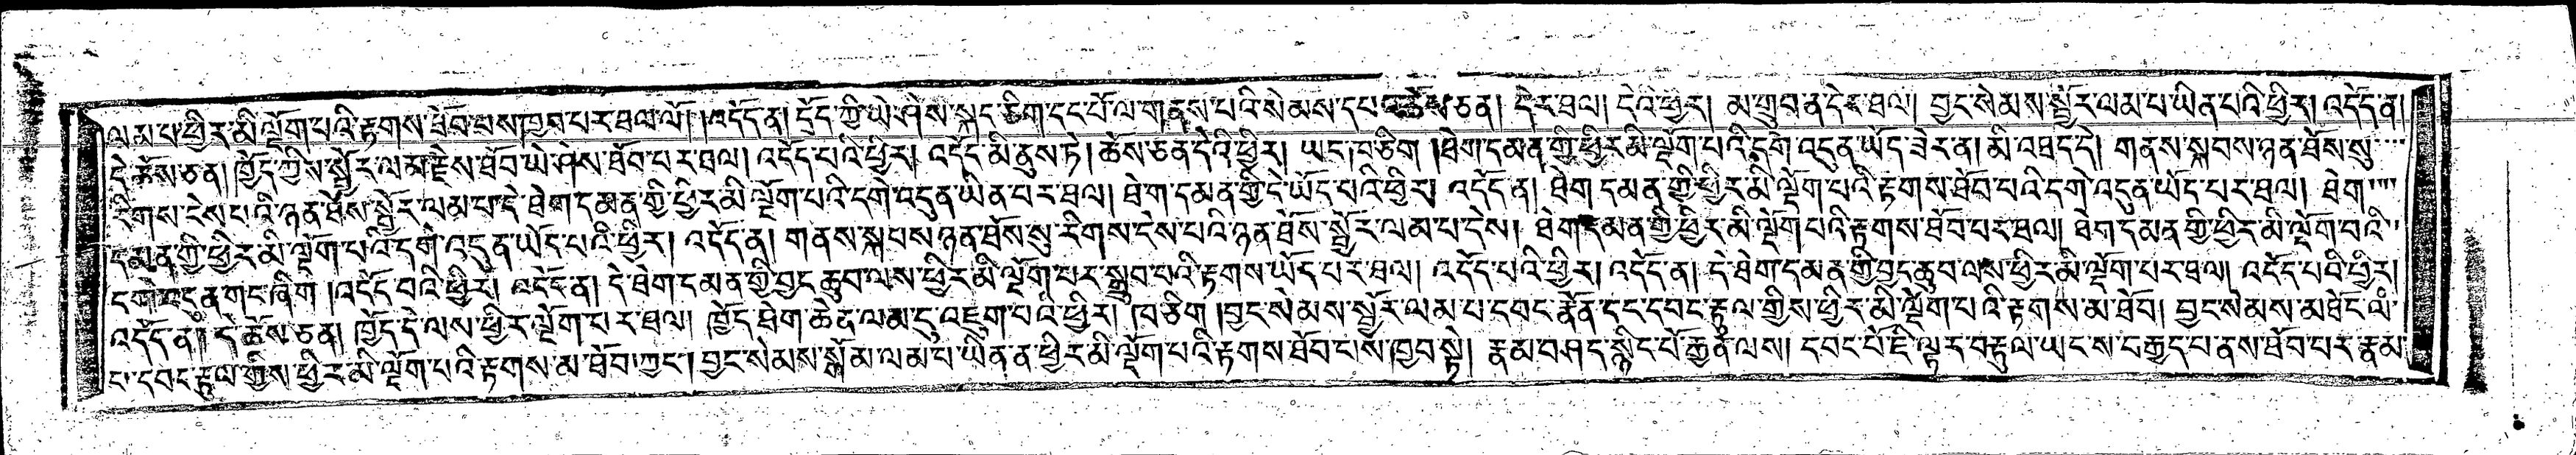ལམ་པ་ཕྱིར་མི་ལྡོག་པའི་རྟགས་ཐོབ་པས་ཁྱབ་པར་ཐལ་ལོ། །འདོད་ན། དྲོད་ཀྱི་ཡེ་ཤེས་སྐད་ཅིག་དང་པོ་ལ་གནས་པའི་སེམས་དཔའ་ཆོས་ཅན། དེར་ཐལ། དེའི་ཕྱིར། མ་གྲུབ་ན་དེར་ཐལ། བྱང་སེམས་སྦྱོར་ལམ་པ་ཡིན་པའི་ཕྱིར། འདོད་ན།
དེ་ཆོས་ཅན། ཁྱོད་ཀྱིས་སྦྱོར་ལམ་རྗེས་ཐོབ་ཡེ་ཤེས་ཐོབ་པར་ཐལ། འདོད་པའི་ཕྱིར། འདོད་མི་ནུས་ཏེ། ཆོས་ཅན་དེའི་ཕྱིར། ཡང་ཁ་ཅིག། ཐེག་དམན་གྱི་ཕྱིར་མི་ལྡོག་པའི་དགེ་འདུན་ཡོད་ཟེར་ན། མི་འཐད་དེ། གནས་སྐབས་ཉན་ཐོས་སུ་
རིགས་ངེས་པའི་ཉན་ཐོས་སྦྱོར་ལམ་པ་དེ་ཐེག་དམན་གྱི་ཕྱིར་མི་ལྡོག་པའི་དགེ་འདུན་ཡིན་པར་ཐལ། ཐེག་དམན་གྱི་དེ་ཡོད་པའི་ཕྱིར། འདོད་ན། ཐེག་དམན་གྱི་ཕྱིར་མི་ལྡོག་པའི་རྟགས་ཐོབ་པའི་དགེ་འདུན་ཡོད་པར་ཐལ། ཐེག་
དམན་གྱི་ཕྱིར་མི་ལྡོག་པའི་དགེ་འདུན་ཡོད་པའི་ཕྱིར། འདོད་ན། གནས་སྐབས་ཉན་ཐོས་སུ་རིགས་ངེས་པའི་ཉན་ཐོས་སྦྱོར་ལམ་པ་དེས། ཐེག་དམན་གྱི་ཕྱིར་མི་ལྡོག་པའི་རྟགས་ཐོབ་པར་ཐལ། ཐེག་དམན་གྱི་ཕྱིར་མི་ལྡོག་པའི་
དགེ་འདུན་གང་ཞིག། འདོད་པའི་ཕྱིར། འདོད་ན། དེ་ཐེག་དམན་གྱི་བྱང་ཆུབ་ལས་ཕྱིར་མི་ལྡོག་པར་སྒྲུབ་པའི་རྟགས་ཡོད་པར་ཐལ། འདོད་པའི་ཕྱིར། འདོད་ན། དེ་ཐེག་དམན་གྱི་བྱང་ཆུབ་ལས་ཕྱིར་མི་ལྡོག་པར་ཐལ། འདོད་པའི་ཕྱིར།
འདོད་ན། དེ་ཆོས་ཅན། ཁྱོད་དེ་ལས་ཕྱིར་ལྡོག་པར་ཐལ། ཁྱོད་ཐེག་ཆེན་ལམ་དུ་འཇུག་པའི་ཕྱིར། ཁ་ཅིག། བྱང་སེམས་སྦྱོར་ལམ་པ་དབང་རྣོན་དང་དབང་རྟུལ་གྱིས་ཕྱིར་མི་ལྡོག་པའི་རྟགས་མ་ཐོབ། བྱང་སེམས་མཐོང་ལམ་
པ་དབང་རྟུལ་གྱིས་ཕྱིར་མི་ལྡོག་པའི་རྟགས་མ་ཐོབ་ཀྱང་། བྱང་སེམས་སྒོམ་ལམ་པ་ཡིན་ན་ཕྱིར་མི་ལྡོག་པའི་རྟགས་ཐོབ་པས་ཁྱབ་སྟེ། རྣམ་བཤད་སྙིང་པོ་རྒྱན་ལས། དབང་པོ་ཇི་ལྟར་རྟུལ་ཡང་ས་བརྒྱད་པ་ནས་ཐོབ་པར་རྣམ་